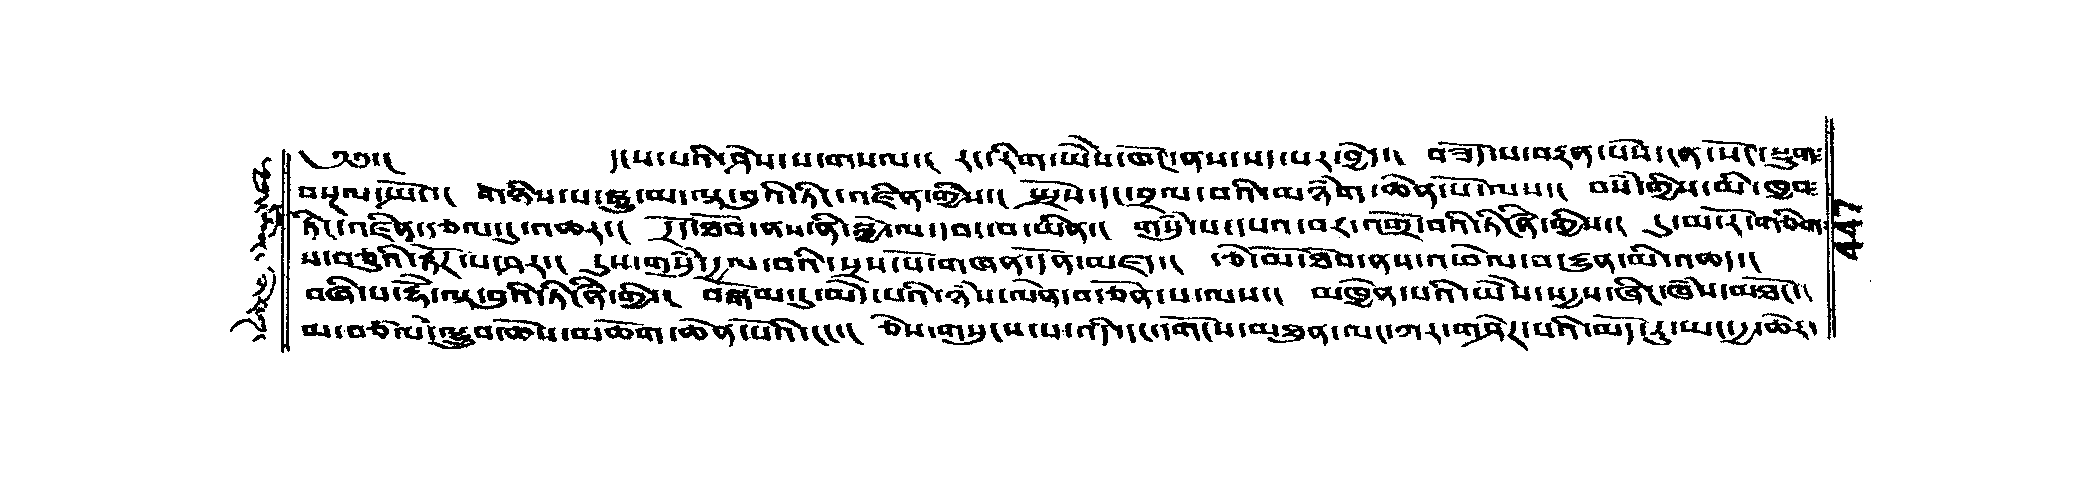དྭངས་པའི་ཤེས་པ་གསལ། །རང་རིག་ཡེ་ཤེས་ཁོང་ནས་སད་པར་བྱེད། །བཟོད་པ་བརྟན་པོས་ངན་སོང་སྡུག་
བསྔལ་སྤོང་། །གཉིས་པ་སྒྱུ་མ་ལྟ་བུའི་ཏིང་འཛིན་གྱིས། །སྤྲོས་དང་བྲལ་བའི་མཉམ་བཞག་ཆེན་པོ་ལས། །བསམ་གྱིས་མི་ཁྱབ་
ཏིང་འཛིན་རྩལ་དུ་འཆར། །དྲོད་ཐོབ་ནས་ནི་སྐྱེ་ལ་དབང་བ་ཡིན། །གསུམ་པ་དཔའ་བར་འགྲོ་བའི་ཏིང་འཛིན་གྱིས། །དུ་མ་རོ་གཅིག་
ས་བཅུའི་རྟོགས་པ་ཤར། །དུས་གསུམ་རྒྱལ་བའི་སྲས་པོ་གཞན་དོན་མཛད། །རྩེ་མོ་ཐོབ་ནས་འཕེལ་བ་རྒྱུན་མི་ཆད། །
བཞི་པ་རྡོ་རྗེ་ལྟ་བུའི་ཏིང་འཛིན་གྱི། །བསྒོམ་དུ་མེད་པའི་ཉམས་ལེན་བརྩོན་པ་ལས། །མཁྱེན་པའི་ཡེ་ཤེས་སངས་རྒྱས་ཞིང་ཁམས་མཐོང་། །
མ་བཙལ་ལྷུན་གྲུབ་ཆོས་མཆོག་ཆེན་པོའི་ངང་། ཞེས་གསུངས་པ་འདི་དང་དགོངས་མཐུན་ལང་ཀར་གཤེགས་པའི་མདོར་ཡང་རྒྱ་ཆེར་